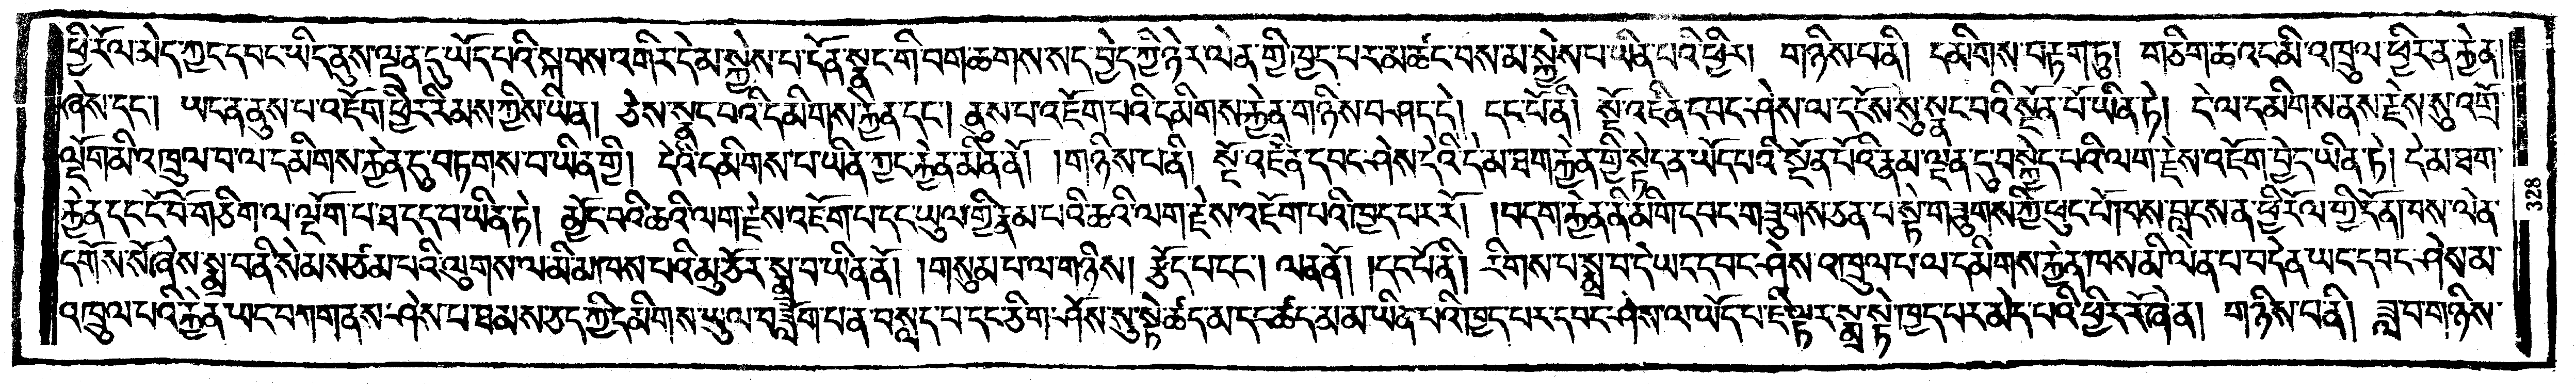ཕྱི་རོལ་མེད་ཀྱང་དབང་ཡིད་ནུས་ལྡན་དུ་ཡོད་པའི་སྐབས་འདིར་?་དེ་མ་སྐྱེས་པ་དོན་སྣང་གི་བག་ཆགས་སད་བྱེད་ཀྱི་ཉེར་ལེན་གྱི་ཁྱད་པར་མ་ཚང་བས་མ་སྐྱེས་པ་ཡིན་པའི་ཕྱིར། གཉིས་པ་ནི། དམིགས་བརྟག་ཏུ། གཅིག་ཆ་འང་མི་འཁྲུལ་ཕྱིར་ན་རྐྱེན།
ཞེས་དང་། ཡང་ན་ནུས་པ་འཇོག་ཕྱིར་རིམས་ཀྱིས་ཡིན། ཅེས་སྣང་བའི་དམིགས་རྐྱེན་དང་། ནུས་པ་འཇོག་པའི་དམིགས་རྐྱེན་གཉིས་བཤད་དེ། དང་པོ་ནི། སྔོ་འཛིན་དབང་ཤེས་ལ་དངོས་སུ་སྣང་བའི་སྔོན་པོ་ཡིན་ཏེ། དེ་ལ་དམིགས་ནས་རྗེས་སུ་འགྲོ་
ལྡོག་མི་འཁྲུལ་བ་ལ་དམིགས་རྐྱེན་དུ་བཏགས་པ་ཡིན་གྱི། དེའི་དམིགས་པ་ཡིན་ཀྱང་རྐྱེན་མིན་ནོ། །གཉིས་པ་ནི། སྔོ་འཛིན་དབང་ཤེས་དེའི་དེ་མ་ཐག་རྐྱེན་གྱི་སྟེང་ན་ཡོད་པའི་སྔོན་པོའི་རྣམ་ལྡན་དུ་བསྐྱེད་པའི་ལག་རྗེས་འཇོག་བྱེད་ཡིན་ཏེ། དེ་མ་ཐག་
རྐྱེན་དང་ངོ་བོ་གཅིག་ལ་ལྡོག་པ་ཐ་དད་པ་ཡིན་ཏེ། མྱོང་བའི་ཆའི་ལག་རྗེས་འཇོག་པ་དང་ཡུལ་གྱི་རྣམ་པའི་ཆའི་ལག་རྗེས་འཇོག་པའི་ཁྱད་པར་རོ། །བདག་རྐྱེན་ནི་མིག་དབང་གཟུགས་ཅན་པ་སྟེ་གཟུགས་ཀྱི་ཕུང་པོ་ཁས་བླངས་ན་ཕྱི་རོལ་གྱི་དོན་ཁས་ལེན་
དགོས་སོ་ཞེས་སྨྲ་བ་ནི་སེམས་ཙམ་པའི་ལུགས་ལ་མི་མཁས་པའི་མུ་ཅོར་སྨྲ་བ་ཡིན་ནོ། །གསུམ་པ་ལ་གཉིས། རྩོད་པ་དང་། ལན་ནོ། །དང་པོ་ནི། རིགས་པ་སྨྲ་བ་དེ་ཡང་དབང་ཤེས་འཁྲུལ་པ་ལ་དམིགས་རྐྱེན་ཁས་མི་ལེན་པ་བདེན་ཡང་དབང་ཤེས་མ་
འཁྲུལ་པའི་རྐྱེན་ཡང་བཀག་ནས་ཤེས་པ་ཐམས་ཅད་ཀྱི་དམིགས་ཡུལ་བཟློག་པ་ན་བསླད་པ་དང་ཅིག་ཤོས་སུ་སྟེ་ཚད་མ་དང་ཚད་མ་མ་ཡིན་པའི་ཁྱད་པར་དབང་ཤེས་ལ་ཡོད་པ་ཇི་ལྟར་སྨྲ་སྟེ་ཁྱད་པར་མེད་པའི་ཕྱིར་རོ་ཞེ་ན། གཉིས་པ་ནི། ཟླ་བ་གཉིས་